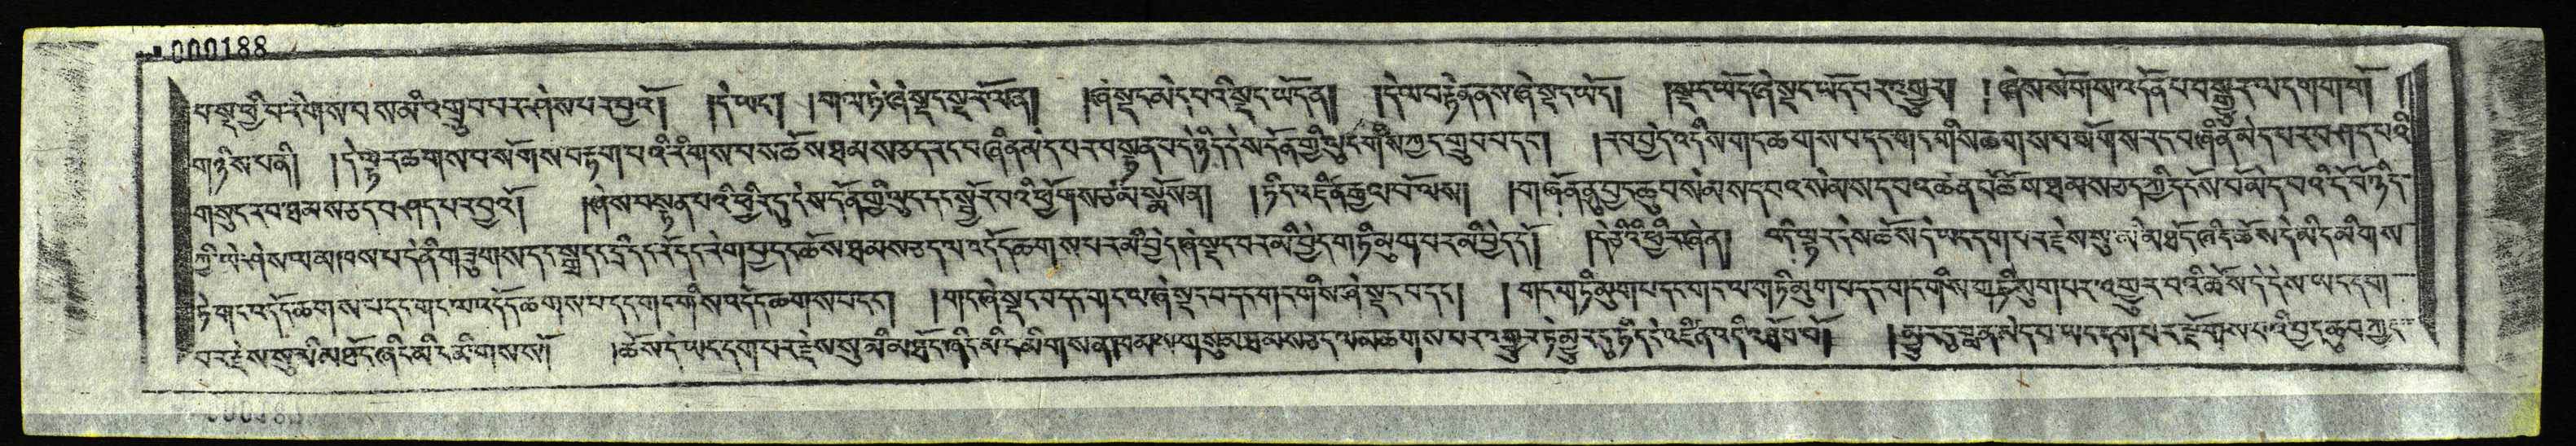པ་སྔ་ཕྱི་བ་རིགས་པས་མི་འགྲུབ་པར་ཤེས་པར་བྱའོ། །དེ་ཡང་། །གལ་ཏེ་ཞེ་སྡང་སྔ་རོལ་ན། །ཞེ་སྡང་མེད་པའི་སྡང་ཡོད་ན། །དེ་ལ་བརྟེན་ནས་ཞེ་སྡང་ཡོད། །སྡང་ཡོད་ཞེ་སྡང་ཡོད་པར་འགྱུར། །ཞེས་སོགས་འདོན་པ་བསྒྱུར་ལ་དགག་གོ །
གཉིས་པ་ནི། །དེ་ལྟར་ཆགས་པ་སོགས་བརྟག་པའི་རིགས་པས་ཆོས་ཐམས་ཅད་རང་བཞིན་མེད་པར་བསྟན་པ་དེ་ཉིད་དེས་དོན་གྱི་ལུང་གིས་ཀྱང་གྲུབ་པ་དང་། །རབ་བྱེད་འདིས་གང་ཆགས་པ་དང་གང་གིས་ཆགས་པ་སོགས་རང་བཞིན་མེད་པར་བཤད་པའི་
གསུང་རབ་ཐམས་ཅད་བཤད་པར་བྱའོ། །ཞེས་བསྟན་པའི་ཕྱིར་དུ་ངེས་དོན་གྱི་ལུང་དང་སྦྱོར་བའི་ཕྱོགས་ཙམ་སྨོས་ན། །ཏིང་འཛིན་རྒྱལ་པོ་ལས། །གཞོན་ནུ་བྱང་ཆུབ་སེམས་དཔའ་སེམས་དཔའ་ཆེན་པོ་ཆོས་ཐམས་ཅད་ཀྱི་དངོས་པོ་མེད་པའི་ངོ་བོ་ཉིད་
ཀྱི་ཡེ་ཤེས་ལ་མཁས་པ་དེ་ནི་གཟུགས་དང་སྒྲ་དང་དྲི་དང་རོ་དང་རེག་བྱ་དང་ཆོས་ཐམས་ཅད་ལ་འདོད་ཆགས་པར་མི་བྱེད་ཞེ་སྡང་བར་མི་བྱེད་གཏི་མུག་པར་མི་བྱེད་དོ། །དེ་ཅིའི་ཕྱིར་ཞེ་ན། འདི་ལྟར་དེས་ཆོས་དེ་ཡང་དག་པར་རྗེས་སུ་མི་མཐོང་ཞིང་ཆོས་དེ་མི་དམིགས་
ཏེ་གང་འདོད་ཆགས་པ་དང་གང་ལ་འདོད་ཆགས་པ་དང་གང་གིས་འདོད་ཆགས་པ་དང་། །གང་ཞེ་སྡང་བ་དང་གང་ལ་ཞེ་སྡང་བ་དང་གང་གིས་ཞེ་སྡང་བ་དང་། །གང་གཏི་མུག་པ་དང་གང་ལ་གཏི་མུག་པ་དང་གང་གིས་གཏི་མུག་པར་འགྱུར་བའི་ཆོས་དེ་དེས་ཡང་དག་
པར་རྗེས་སུ་མི་མཐོང་ཞིང་མི་དམིགས་སོ། །ཆོས་དེ་ཡང་དག་པར་རྗེས་སུ་མི་མཐོང་ཞིང་མི་དམིགས་ན་ཁམས་གསུམ་ཐམས་ཅད་ལ་མ་ཆགས་པར་འགྱུར་ཏེ་མྱུར་དུ་ཏིང་ངེ་འཛིན་འདི་འཐོབ་བོ། །མྱུར་དུ་བླ་ན་མེད་པ་ཡང་དག་པར་རྫོགས་པའི་བྱང་ཆུབ་ཀྱང་